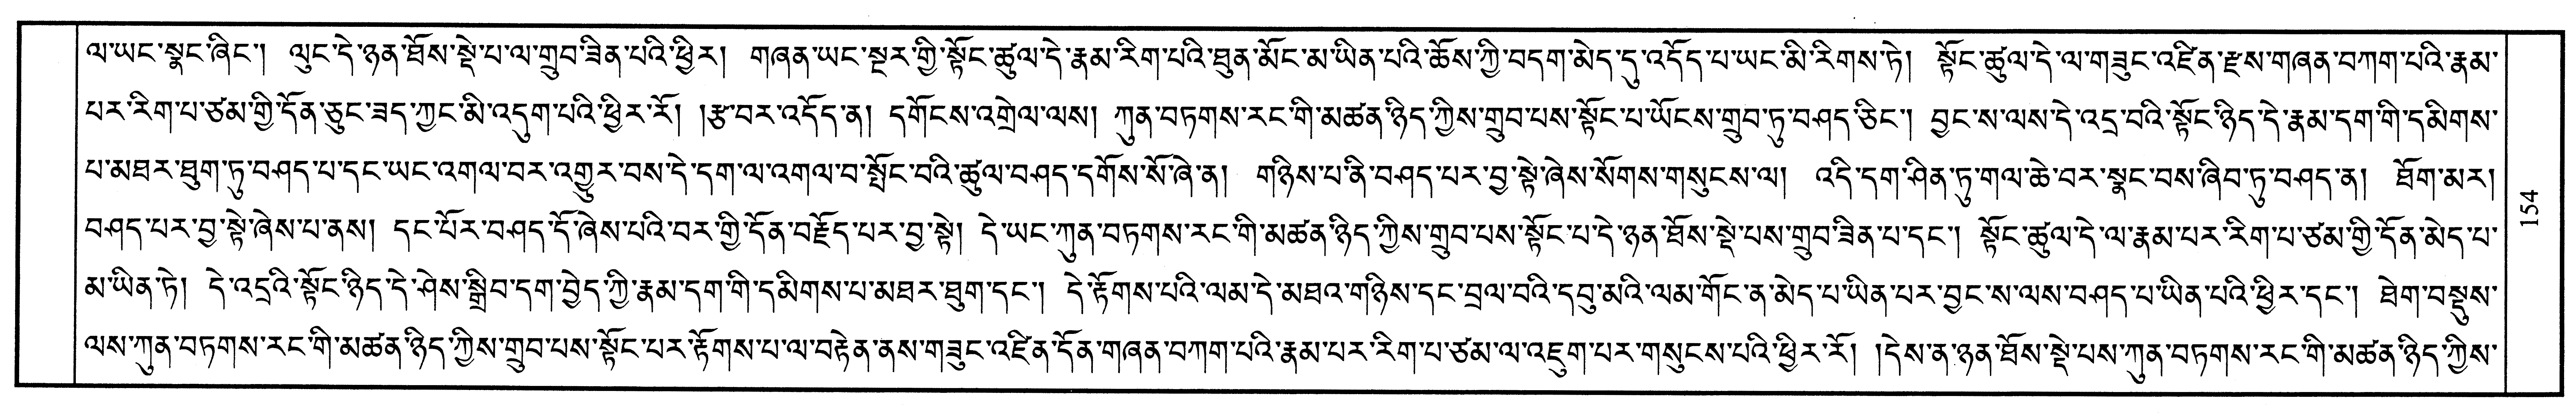ལ་ཡང་སྣང་ཞིང་། ལུང་དེ་ཉན་ཐོས་སྡེ་པ་ལ་གྲུབ་ཟིན་པའི་ཕྱིར། གཞན་ཡང་སྔར་གྱི་སྟོང་ཚུལ་དེ་རྣམ་རིག་པའི་ཐུན་མོང་མ་ཡིན་པའི་ཆོས་ཀྱི་བདག་མེད་དུ་འདོད་པ་ཡང་མི་རིགས་ཏེ། སྟོང་ཚུལ་དེ་ལ་གཟུང་འཛིན་རྫས་གཞན་བཀག་པའི་རྣམ་
པར་རིག་པ་ཙམ་གྱི་དོན་ཅུང་ཟད་ཀྱང་མི་འདུག་པའི་ཕྱིར་རོ། །རྩ་བར་འདོད་ན། དགོངས་འགྲེལ་ལས། ཀུན་བཏགས་རང་གི་མཚན་ཉིད་ཀྱིས་གྲུབ་པས་སྟོང་པ་ཡོངས་གྲུབ་ཏུ་བཤད་ཅིང་། བྱང་ས་ལས་དེ་འདྲ་བའི་སྟོང་ཉིད་དེ་རྣམ་དག་གི་དམིགས་
པ་མཐར་ཐུག་ཏུ་བཤད་པ་དང་ཡང་འགལ་བར་འགྱུར་བས་དེ་དག་ལ་འགལ་བ་སྤོང་བའི་ཚུལ་བཤད་དགོས་སོ་ཞེ་ན། གཉིས་པ་ནི་བཤད་པར་བྱ་སྟེ་ཞེས་སོགས་གསུངས་ལ། འདི་དག་ཤིན་ཏུ་གལ་ཆེ་བར་སྣང་བས་ཞིབ་ཏུ་བཤད་ན། ཐོག་མར།
བཤད་པར་བྱ་སྟེ་ཞེས་པ་ནས། དང་པོར་བཤད་དོ་ཞེས་པའི་བར་གྱི་དོན་བརྗོད་པར་བྱ་སྟེ། དེ་ཡང་ཀུན་བཏགས་རང་གི་མཚན་ཉིད་ཀྱིས་གྲུབ་པས་སྟོང་པ་དེ་ཉན་ཐོས་སྡེ་པས་གྲུབ་ཟིན་པ་དང་། སྟོང་ཚུལ་དེ་ལ་རྣམ་པར་རིག་པ་ཙམ་གྱི་དོན་མེད་པ་
མ་ཡིན་ཏེ། དེ་འདྲའི་སྟོང་ཉིད་དེ་ཤེས་སྒྲིབ་དག་བྱེད་ཀྱི་རྣམ་དག་གི་དམིགས་པ་མཐར་ཐུག་དང་། དེ་རྟོགས་པའི་ལམ་དེ་མཐའ་གཉིས་དང་བྲལ་བའི་དབུ་མའི་ལམ་གོང་ན་མེད་པ་ཡིན་པར་བྱང་ས་ལས་བཤད་པ་ཡིན་པའི་ཕྱིར་དང་། ཐེག་བསྡུས་
ལས་ཀུན་བཏགས་རང་གི་མཚན་ཉིད་ཀྱིས་གྲུབ་པས་སྟོང་པར་རྟོགས་པ་ལ་བརྟེན་ནས་གཟུང་འཛིན་དོན་གཞན་བཀག་པའི་རྣམ་པར་རིག་པ་ཙམ་ལ་འཇུག་པར་གསུངས་པའི་ཕྱིར་རོ། །དེས་ན་ཉན་ཐོས་སྡེ་པས་ཀུན་བཏགས་རང་གི་མཚན་ཉིད་ཀྱིས་